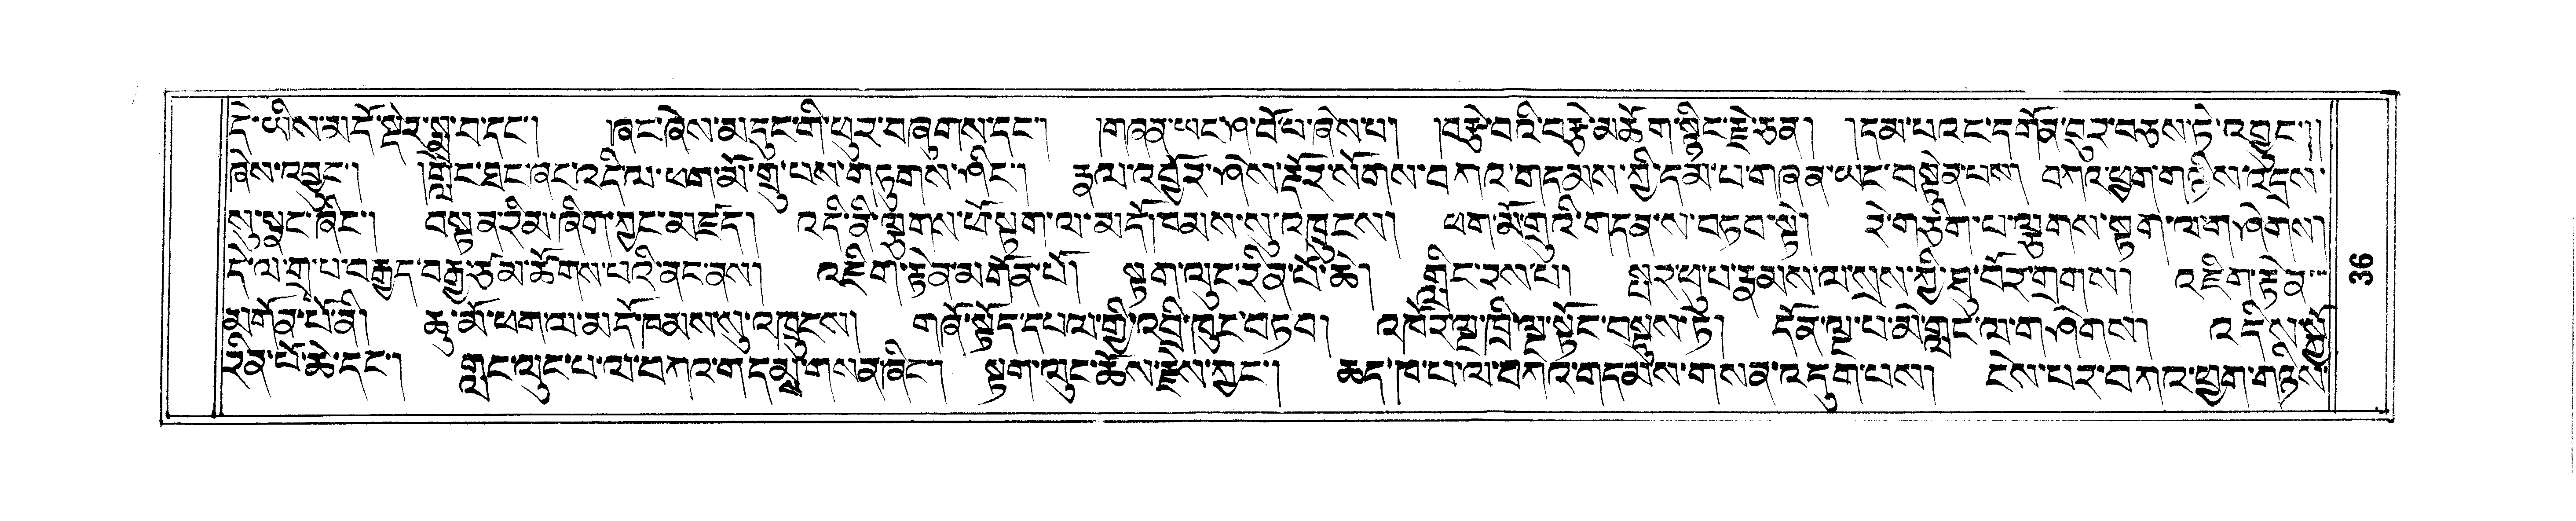དེ་ཡིས་མདོ་སྡེར་སྨྲ་བ་དང་། །ཞང་ཞེས་མདུང་གི་ཕུར་བཞུགས་དང་། །གཞན་ཡང་ཤ་བོ་པ་ཞེས་པ། །བརྩེ་བའི་བརྩེ་མཆོག་སྙིང་རྗེ་ཅན། །དམ་པའང་དགོན་བུར་བཅས་ཏེ་འབྱུང།།
ཞེས་འབྱུང་། །གླེང་ཐང་ཞང་འདི་ལ་ཕག་མོ་གྲུ་པས་གཏུགས་ཤིང་། རྣལ་འབྱོར་ཤེས་རྡོར་སོགས་བཀའ་གདམས་ཀྱི་དམ་པ་གཞན་ཡང་བསྟེན་པས། བཀའ་ཕྱག་གཉིས་འདྲས་
སུ་སྣང་ཞིང་། བསྟན་རིམ་ཞིག་ཀྱང་མཛད། འདི་ནི་ལྕགས་ཕོ་སྟག་ལ་མདོ་ཁམས་སུ་འཁྲུངས། ཕག་མོ་གྲུའི་གདན་ས་བཏབ་སྟེ། རེ་གཅིག་པ་ལྕགས་སྟག་ལ་གཤེགས།
དེ་ལ་གྲྭ་པ་བརྒྱད་བརྒྱ་ཙམ་ཚོགས་པའི་ནང་ནས། འཇིག་རྟེན་མགོན་པོ། སྟག་ལུང་རིན་པོ་ཆེ། གླིང་རས་པ། སྤར་ཕུ་པ་རྣམས་ལ་སྲས་ཀྱི་ཐུ་བོར་གྲགས། འཇིག་རྟེན་
མགོན་པོ་ནི། ཆུ་མོ་ཕག་ལ་མདོ་ཁམས་སུ་འཁྲུངས། གཞོ་སྟོད་དཔལ་གྱི་འབྲི་ཁུང་བཏབ། འཁོར་ལྔ་ཁྲི་ལྔ་སྟོང་བསྡུས་ཏེ། དོན་ལྔ་པ་མེ་གླང་ལ་གཤེགས། འདིས་སྐྱོ་
རིན་པོ་ཆེ་དང་། གླང་ལུང་པ་ལ་བཀའ་གདམས་གསན་ཞིང་། སྟག་ལུང་ཆོས་རྗེས་ཀྱང་། ཆད་ཁ་པ་ལ་བཀའ་གདམས་གསན་འདུག་པས། ངེས་པར་བཀའ་ཕྱག་གཉིས་